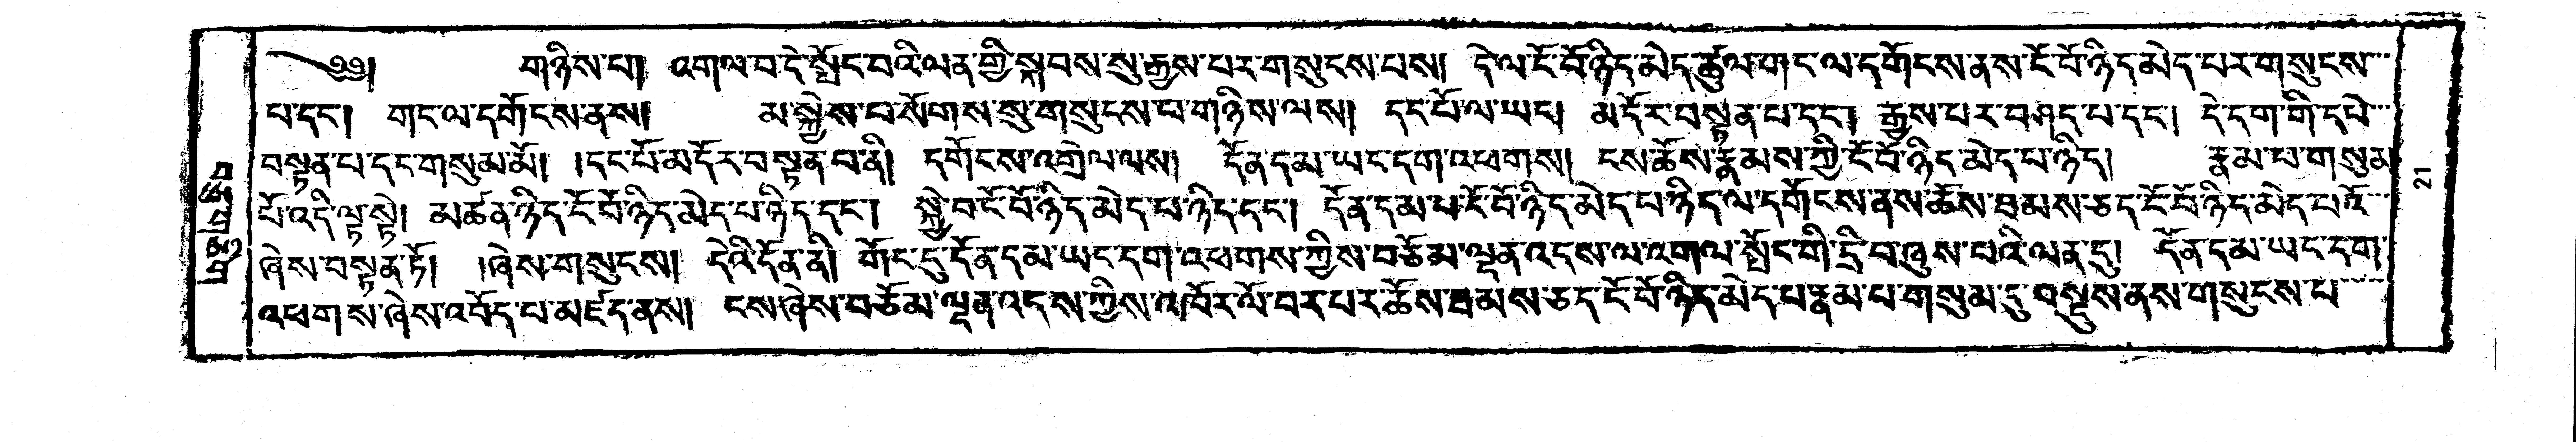༄༅། །གཉིས་པ། འགལ་བ་དེ་སྤོང་བའི་ལན་གྱི་སྐབས་སུ་རྒྱས་པར་གསུངས་པས། དེ་ལ་ངོ་བོ་ཉིད་མེད་ཚུལ་གང་ལ་དགོངས་ནས་ངོ་བོ་ཉིད་མེད་པར་གསུངས་
པ་དང་། གང་ལ་དགོངས་ནས། མ་སྐྱེས་པ་སོགས་སུ་གསུངས་པ་གཉིས་ལས། དང་པོ་ལ་ཡང་། མདོར་བསྟན་པ་དང་། རྒྱས་པར་བཤད་པ་དང་། དེ་དག་གི་དཔེ་
བསྟན་པ་དང་གསུམ་མོ། །དང་པོ་མདོར་བསྟན་པ་ནི། དགོངས་འགྲེལ་ལས། དོན་དམ་ཡང་དག་འཕགས། ངས་ཆོས་རྣམས་ཀྱི་ངོ་བོ་ཉིད་མེད་པ་ཉིད། རྣམ་པ་གསུམ་
པོ་འདི་ལྟ་སྟེ། མཚན་ཉིད་ངོ་བོ་ཉིད་མེད་པ་ཉིད་དང་། སྐྱེ་བ་ངོ་བོ་ཉིད་མེད་པ་ཉིད་དང་། དོན་དམ་པ་ངོ་བོ་ཉིད་མེད་པ་ཉིད་ལ་དགོངས་ནས་ཆོས་ཐམས་ཅད་ངོ་བོ་ཉིད་མེད་པའོ་
ཞེས་བསྟན་ཏོ། །ཞེས་གསུངས། དེའི་དོན་ནི། གོང་དུ་དོན་དམ་ཡང་དག་འཕགས་ཀྱིས་བཅོམ་ལྡན་འདས་ལ་འགལ་སྤོང་གི་དྲི་བ་ཞུས་པའི་ལན་དུ། དོན་དམ་ཡང་དག་
འཕགས་ཞེས་འབོད་པ་མཛད་ནས། ངས་ཞེས་བཅོམ་ལྡན་འདས་ཀྱིས་འཁོར་ལོ་བར་པར་ཆོས་ཐམས་ཅད་ངོ་བོ་ཉིད་མེད་པ་རྣམ་པ་གསུམ་དུ་བསྡུས་ནས་གསུངས་པ་